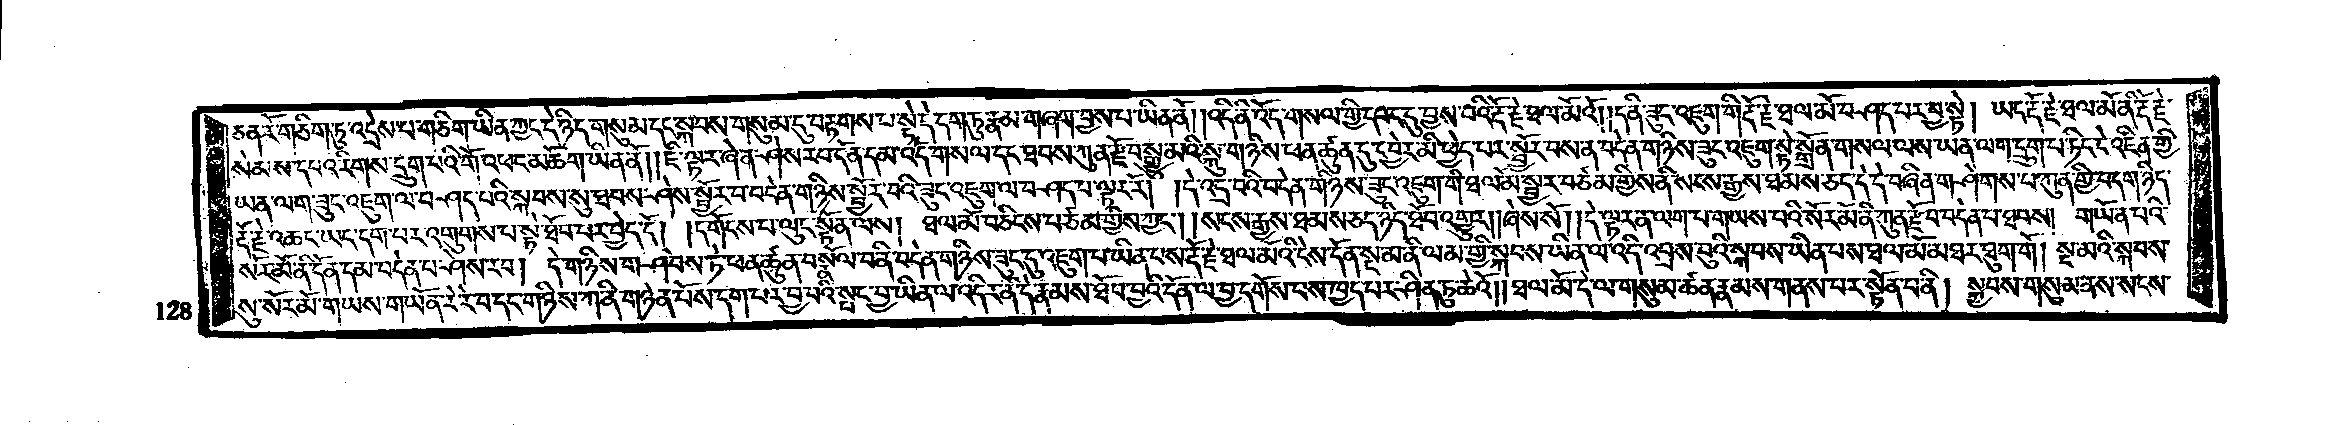ཅན་རོ་གཅིག་ཏུ་འདྲེས་པ་གཅིག་ཡིན་ཀྱང་དེ་ཉིད་གསུམ་དང་སྐབས་གསུམ་དུ་བརྟགས་པ་སྟེ་དེ་དག་ཏུ་རྣམ་གཞག་བྱས་པ་ཡིན་ནོ། །འདི་ནི་འོད་གསལ་གྱི་དབང་དུ་བྱས་པའི་རྡོ་རྗེ་ཐལ་མོའོ། །ད་ནི་ཟུང་འཇུག་གི་རྡོ་རྗེ་ཐལ་མོ་བཤད་པར་བྱ་སྟེ། ཡང་རྡོ་རྗེ་ཐལ་མོ་ནི་རྡོ་རྗེ་
སེམས་དཔའ་རིགས་དྲུག་པའི་གོ་འཕང་མཆོག་ཡིན་ནོ། །ཇི་ལྟར་ཞེ་ན་ཤེས་རབ་དོན་དམ་འོད་གསལ་དང་ཐབས་ཀུན་རྫོབ་སྒྱུ་མའི་སྐུ་གཉིས་ཕན་ཚུན་དུ་དབྱེར་མི་ཕྱེད་པར་སྦྱོར་བས་ན་བདེན་གཉིས་ཟུང་འཇུག་སྟེ་སྒྲོན་གསལ་ལས་ཡན་ལག་དྲུག་པ་ཏིང་ངེ་འཛིན་གྱི་
ཡན་ལག་ཟུང་འཇུག་ལ་བཤད་པའི་སྐབས་སུ་ཐབས་ཤེས་སྦྱོར་བ་བདེན་གཉིས་སྦྱོར་བའི་ཟུང་འཇུག་ལ་བཤད་པ་ལྟར་རོ། །དེ་འདྲ་བའི་བདེན་གཉིས་ཟུང་འཇུག་གི་ཐལ་མོ་སྦྱར་བ་ཙམ་གྱིས་ནི་སངས་རྒྱས་ཐམས་ཅད་དེ་དེ་བཞིན་གཤེགས་པ་ཀུན་གྱི་བདག་ཉིད་
རྡོ་རྗེ་འཆང་ཡང་དག་པར་འགུགས་པ་སྟེ་ཐོབ་པར་བྱེད་དོ། །དགོངས་པ་ལུང་སྟོན་ལས། ཐལ་མོ་བཅིངས་པ་ཙམ་གྱིས་ཀྱང་། །སངས་རྒྱས་ཐམས་ཅད་ཉིད་ཐོབ་འགྱུར། །ཞེས་སོ། །དེ་ལྟར་ན་ལག་པ་གཡས་པའི་སོར་མོ་ནི་ཀུན་རྫོབ་བདེན་པ་ཐབས། གཡོན་པའི་
སོར་མོ་ནི་དོན་དམ་བདེན་པ་ཤེས་རབ། དེ་གཉིས་གཤེབས་ཏེ་ཕན་ཚུན་བསྣོལ་བ་ནི་བདེན་གཉིས་ཟུང་དུ་འཇུག་པ་ཡིན་པས་རྡོ་རྗེ་ཐལ་མོའི་ངེས་དོན་སྔ་མ་ནི་ལམ་གྱི་སྐབས་ཡིན་ལ་འདི་འབྲས་བུའི་སྐབས་ཡིན་པས་ཐལ་མོ་མཐར་ཐུག་གོ །སྔ་མའི་སྐབས་
སུ་སོར་མོ་གཡས་གཡོན་རེ་རེ་བ་དང་གཉིས་ཀ་ནི་གཉེན་པོས་དག་པར་བྱ་བའི་སྤང་བྱ་ཡིན་ལ་འདིར་ནི་དེ་རྣམས་ཐོབ་བྱའི་དོན་ལ་བྱ་དགོས་པས་ཁྱད་པར་ཤིན་ཏུ་ཆེའོ། །ཐལ་མོ་དེ་ལ་གསུམ་ཚན་རྣམས་གནས་པར་སྟོན་པ་ནི། སྐྱབས་གསུམ་ནས་སངས་